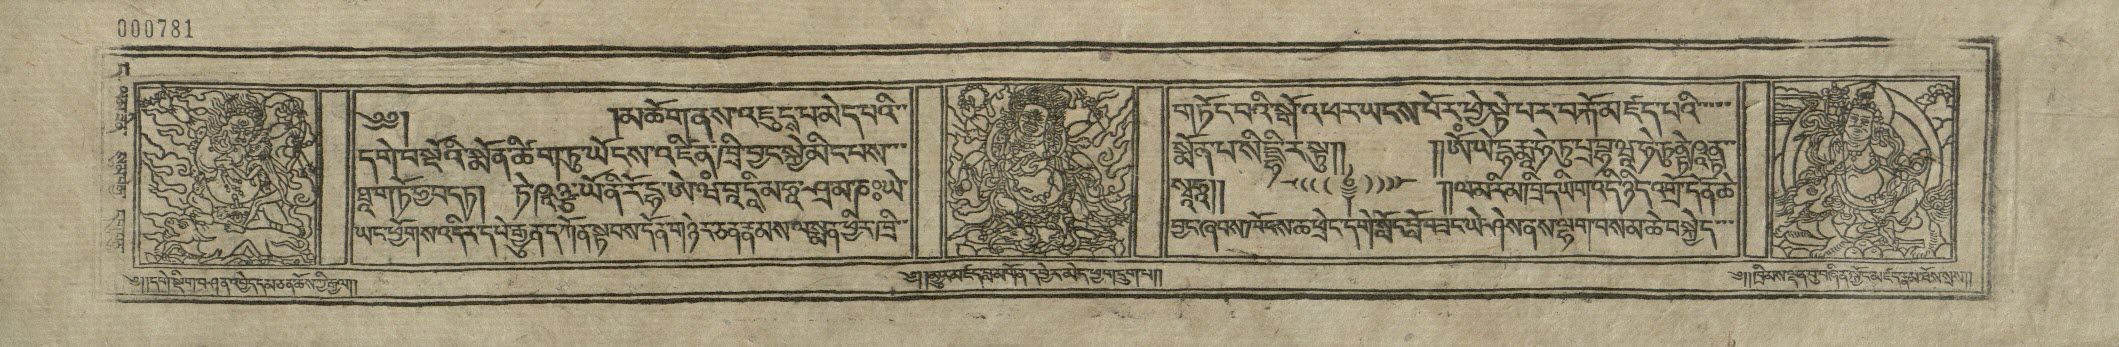་༄༅། །མཆོག་ནས་འཇུངས་པ་མེད་པའི་་གཏོང་བའི་སྒོ་འཕར་ཡངས་པོར་?་ཕྱེ་སྟེ་པར་བརྐོ་མཛད་པའི་
དགེ་བསྔོའི་སྨོན་ཚིག་ཏུ་ཡོངས་འཛིན་ཁྲི་བྱང་སྐྱེ་མིང་པས་སྨོན་པ་སིདྡྷི་ར་སྟུ།། །།ཨོཾ་ཡེ་དྷརྨཱཧེཏུ་པྲ་བྷ་ཝཱ་ཧེ་ཏུན་ཏེ་ཥཱནྟ་
ཐཱ་ག་ཏོ་ཧྱ་བད་ཏ། ཏེ་ཥཱཉྩ་ཡོ་ནི་རོ་དྷ་ཨེ་ཝཾ་བཱ་དཱི་མཧཱ་ཤྲ་མ་ཎཿ ཡེ་སྭཱཧཱ།། ???་།།ལམ་རིམ་ཁྲིད་ཡིག་འདི་ཉིད་འགྲོ་དོན་ཆེ་
ཡང་ཕྱོགས་འདིར་དཔེ་རྒྱུན་དཀོན་སྟབས་དོན་གཉེར་ཅན་རྣམས་ལ་སྨན་ཕྱིར་ཁྲི་བྱང་ཞབས་ཁོངས་ཆ་ཕྲེང་དགེ་སློང་བློ་བཟང་ཡེ་ཤེས་ནས་ལྷག་བསམ་ཆེ་བསྐྱེད་